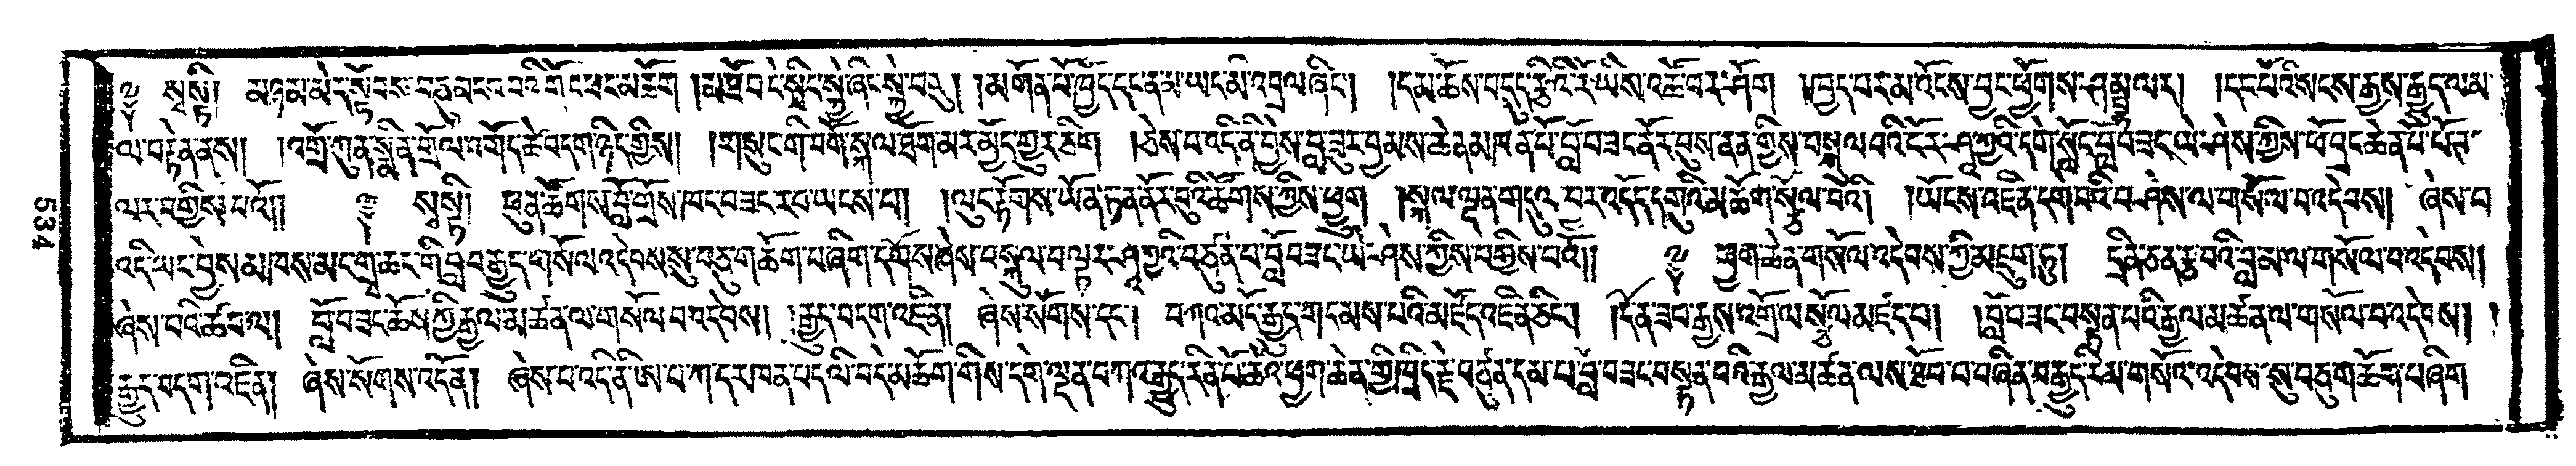༈ སྭསྟི། མཉམ་མེད་སྟོབས་བཅུ་མངའ་བའི་གོ་འཕང་མཆོག །མཐོབ་ངེ་སིང་སྐྱེ་ཞིང་སྐྱེ་བ་རུ། །མགོན་པོ་ཁྱོད་དང་ན་མ་ཡང་མི་འབྲལ་ཞིང་། །དམ་ཆོས་བདུད་རྩིའི་རོ་ཡིས་འཚོ་བར་ཤོག །ཁྱད་པར་མ་འོངས་བྱང་ཕྱོགས་ཤམྦྷ་ལར། །དང་པོའི་སངས་རྒྱས་རྒྱུད་ལམ་
ལ་བརྟེན་ནས། །འགྲོ་ཀུན་སྨིན་གྲོལ་འགོད་ཚེ་བདག་ཉིད་གྱིས། །གསུང་གི་བགོ་སྐལ་ཐོག་མར་མྱོང་གྱུར་ཅིག །ཅེས་པ་འདི་ནི་བྱེས་བླ་ཟུར་བྱམས་ཆེན་མཁན་པོ་བློ་བཟང་ནོར་བུས་ནན་གྱིས་བསྐུལ་བའི་ངོར་ཤཱཀྱའི་དགེ་སློང་བློ་བཟང་ཡེ་ཤེས་ཀྱིས་ཕོ་བྲང་ཆེན་པོ་པོཊ་
ལར་བགྱིས་པའོ།། ༈ སྭསྟི། ཕུན་ཚོགས་བློ་གྲོས་ཁང་བཟང་རབ་ཡངས་པ། །ལུང་རྟོགས་ཡོན་ཏན་ནོར་བུའི་ཚོགས་ཀྱིས་ཕྱུག །སྐལ་ལྡན་གདུལ་བྱར་འདོད་དགུའི་མཆོག་སྩོལ་བའི། །ཡོངས་འཛིན་དགེ་བའི་བཤེས་ལ་གསོལ་བ་འདེབས། ཞེས་པ་
འདི་ཡང་བྱེས་མཁས་མང་གྲྭ་ཆང་གི་བླ་བརྒྱུད་གསོལ་འདེབས་སུ་བཅུ་ག་ཆོག་པ་ཞིག་དགོས་ཞེས་བསྐུལ་བ་ལྟར་ཤཱཀྱའི་བཙུན་པ་བློ་བཟང་ཡེ་ཤེས་ཀྱིས་བགྱིས་པའོ།། ༈ ཕྱག་ཆེན་གསོལ་འདེབས་ཀྱི་མཇུག་ཏུ། དྲིན་ཅན་རྩ་བའི་བླ་མ་ལ་གསོལ་བ་འདེབས།
ཞེས་བའི་ཚབ་ལ། བློ་བཟང་ཆོས་ཀྱི་རྒྱལ་མཚན་ལ་གསོལ་བ་འདེབས། །རྒྱུད་བདག་འཛིན། ཞེས་སོགས་དང་། བཀའ་མདོ་རྒྱུད་གདམས་པའི་མཛོད་འཛིན་ཅིང་། །དོ་ན་ཟབ་རྒྱས་འགྲོ་ལ་སྩོལ་མཛད་བ། །བློ་བཟང་བསྟན་པའི་རྒྱལ་མཚན་ལ་གསོལ་བ་འདེབས། །
རྒྱུད་བདག་འཛིན། ཞེས་སོགས་འདོན། ཞེས་པ་འདི་ནི་ཨ་པ་ཀ་དར་ཁན་པད་ལི་བདེ་མཆོག་གིས་དགེ་ལྡན་བཀའ་རྒྱུད་རིན་པོ་ཆེའི་ཕྱག་ཆེན་གྱི་ཁྲིད་རྗེ་བཙུན་དམ་པ་བློ་བཟང་བསྟན་པའི་རྒྱལ་མཚན་ལས་ཐོབ་བ་བཞིན་བརྒྱུད་རིམ་གསོལ་འདེབས་སུ་བཅུག་ཆོག་པ་ཞིག་